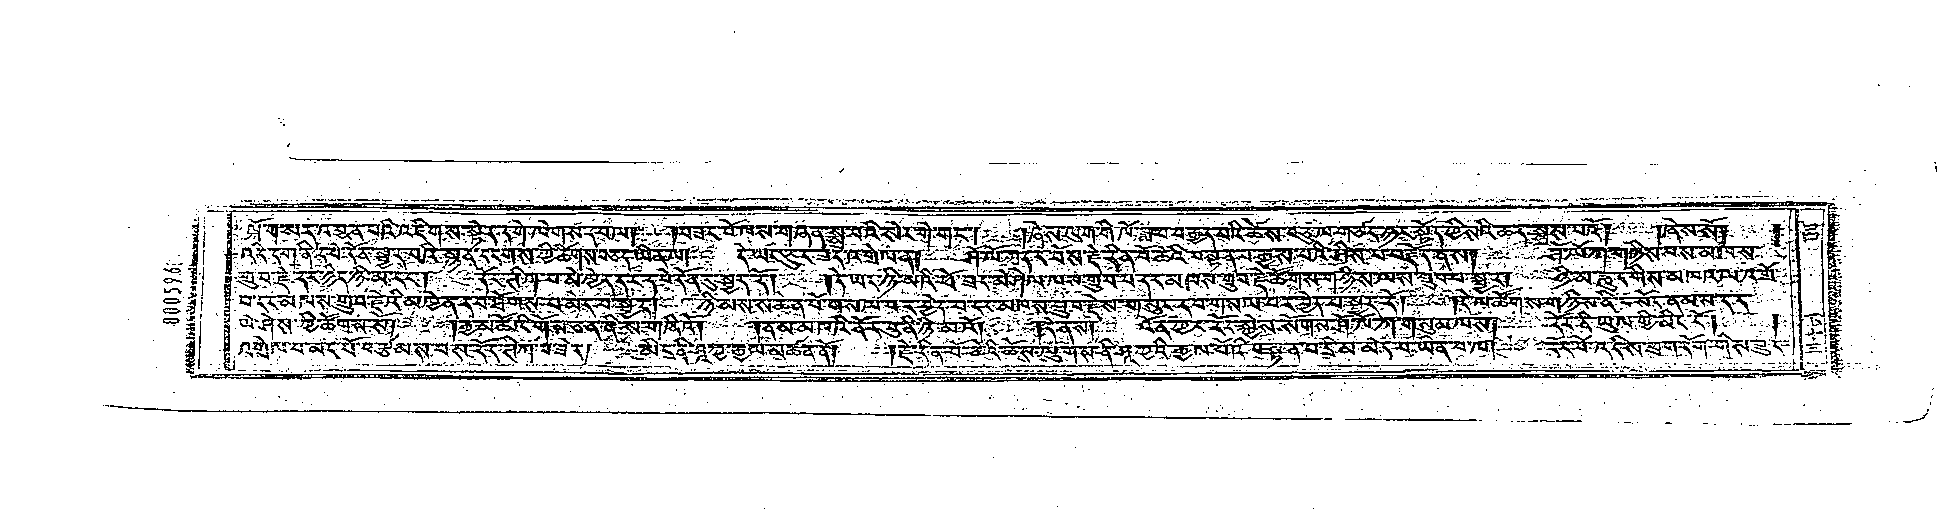ལྐོ་ག་མར་འབྱན་པའི་འཇིགས་སྟེར་དགེ་ལེགས་དབལ། །བཟང་པོ་ལས་གཞན་སྨྲ་བའི་སེང་གེ་གང་། །ཞེས་ལུག་གི་ལོ་ཟླ་བ་བརྒྱད་པའི་ཚེས་བཅུ་ལ་གཙང་ཉང་སྟོང་ཀྱི་སའི་ཆད་སྨྲས་པའོ། །ཞེས་སོ། །
འདི་དག་ནི་དཔེ་དོན་སྦྱར་བའི་སྙན་དངགས་ཀྱི་ཚིགས་བཅད་ཡིན་ལ། དེ་ཡང་ཅུང་ཟད་འགྲེལ་ན། ཤོ་ལོ་ཀ་དང་བོས་རྗེ་རིན་པོ་ཆེའི་བསྟན་པ་རྒྱས་པའི་ཤིང་པ་བརྗོད་ནས། ཤོ་ལོ་ཀ་གཉིས་པས་མཁས་
གྲུབ་རྗེ་རང་ཉིད་ཉི་མ་དང་། རོང་ཊིཀ་བ་མེ་ཁྱེར་དང་དཔེ་དོན་དུ་སྦྱར་རོ། །དེ་ཡང་ཉི་མའི་ཕོ་བྲང་མེ་ཤེས་ལས་གྲུབ་པ་དང་མཁས་གྲུབ་རྗེ་ཚོགས་གཉིས་ལས་གྲུབ་པ་སྦྱར། ཉི་མ་རླུང་གིས་མཁའ་ལ་འགྲོ་
བ་དང་མཁས་གྲུབ་རྗེའི་མཁྱེན་རབ་ཐོགས་པ་མེད་བ་སྦྱང་། ཉི་མས་ས་ཆེན་བོ་གསལ་བར་བྱེད་བ་དང་མཁས་གྲུབ་རྗེས་གསུང་རབ་གསལ་བར་བྱེད་པ་སྦྱར་རོ། །དེ་ལ་ཚོགས་གཉིས་ནི་བསོད་ནམས་དང་
ཡེ་ཤེས་ཀྱི་ཚོགས་སོ། །རྒྱ་མཚོའི་གོས་ཅན་ནི་ས་གཞིའོ། །ནམ་མཁའི་ནོར་བུ་ནི་ཉི་མའོ། །དེ་ནས། འོན་ཀྱང་རོང་སྐྱེས་སོགས་ཤོ་ལོ་ཀ་གསུམ་ལས། རོང་ནི་ཡུལ་གྱི་མིང་ངོ། །
འགྲེལ་བ་མང་པོ་བརྩམས་པས་རོང་ཊིཀ་ཟེར། མིང་ནི་ཤཱཀྱ་རྒྱལ་མཚན་ནོ། །རྗེ་རིན་པོ་ཆེའི་ཆོས་ལུགས་ནི་ཤཱཀྱའི་རྒྱལ་པོའི་བསྟན་པ་དྲི་མ་མེད་བ་ཡིན་པ་ལ། རོང་པོ་འདིས་ཕྲག་དོག་གིས་ཟུར་